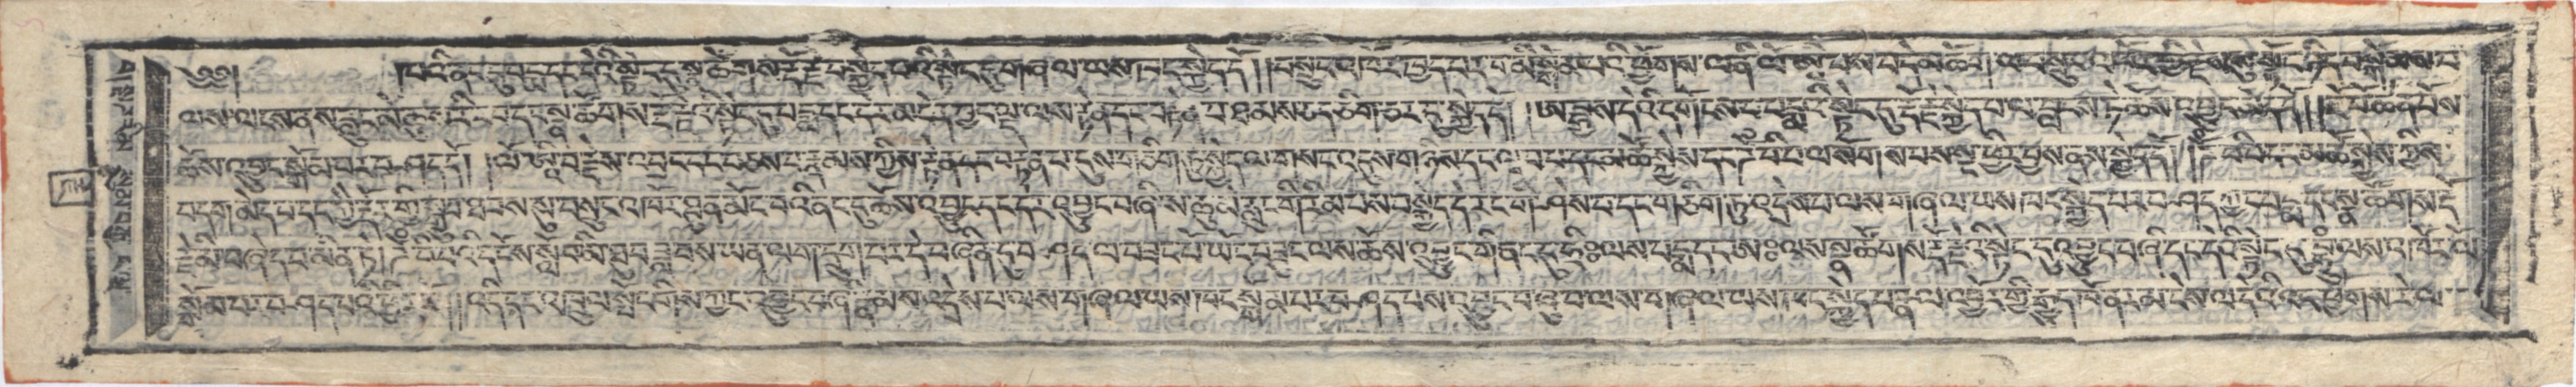༄༅། །པའི་ནང་དུ་པདམ་དང་དེའི་སྟེང་དུ་སྣ་ཚོགས་རྡོ་རྗེ་བསྐྱེད་པའི་སྟེང་དུ་གཞལ་ཡས་ཁང་སྐྱེད་དོ། །བསྲུང་འཁོར་ཁྱད་པར་བ་མི་སྒོམ་པའི་ཕྱོགས་ལ་ནི་ལོ་ཨཱི་པས་བདེ་མཆོག་ལ་བསྲུང་འཁོར་གྱི་རྗེས་སུ་སྟོང་ཉིད་བསྒོམས་པ་
ལས་ལངས་ནས་རླུང་མེ་ཆུ་ས་རི་རབ་དང་སྣ་ཚོགས་རྡོ་རྗེའི་སྟེང་དུ་པདམ་དང་དེར་མངོན་བྱང་ལྔ་ལས་རྟེན་དང་བརྟེན་པ་ཐམས་ཅད་ཅིག་ཅར་དུ་སྐྱེད་དོ། །ཨ་བྷྱས་དེའི་དགོངས་པ་པདམའི་སྟེང་དུ་རྡོ་རྗེ་སྐྱེད་པ་ལ་བླངས་ཏེ་ཆོས་འབྱུང་མེད་དོ། །ཇོ་བོ་ཆེན་པོས་
ཆོས་འབྱུང་སྒོམ་པར་བཤད་དོ། །ལོ་ཨཱི་བ་རྗེས་འབྲང་དང་བཅས་པ་རྣམས་ཀྱིས་རྟེན་དང་བརྟེན་པ་དུས་གཅིག་ཏུ་སྐྱེད་ལ་གསང་འདུས་གཉིས་དང་ལྭ་བ་པ་དང་མཚོ་སྐྱེས་དང་ཌོཾ་བི་པ་ལ་སོགས་པས་སྔ་ཕྱིར་བྱས་ནས་སྐྱེད་དོ། །ཌོཾ་བི་པ་དང་མཚོ་སྐྱེས་ཀྱིས་
བདག་མེད་པ་དང་ཀྱཻ་རྡོར་གྱི་སྒྲུབ་ཐབས་སུ་བསྲུང་འཁོར་ཐུན་མོང་བའི་ནང་དུ་ཆོས་འབྱུང་དང་དེར་འབྱུང་བཞི་ས་ཆུ་མེ་རླུང་གི་རིམ་པས་བསྐྱེད་དེ་རང་གི་ཤེས་པ་དང་གཅིག་ཏུ་འདྲེས་པ་ལས་གཞལ་ཡས་ཁང་སྐྱེད་པར་བཤད་ཀྱང་པདམ་དང་སྣ་ཚོགས་རྡོ་
རྗེ་མི་བཞེད་པ་མིན་ཏེ། ཌོཾ་བི་པའི་དངོས་སློབ་མི་ཐུབ་ཟླ་བས་ཡན་ལག་དྲུག་པར་དེ་བཞིན་དུ་བཤད་ལ་བཟང་པོ་ཡོང་བཟུང་ལས་ཆོས་འབྱུང་གི་ནང་དུ་ཧྲིཿ ལས་པདམ་དང་ཨཿ ལས་སྣ་ཚོགས་རྡོ་རྗེའི་སྟེང་དུ་འབྱུང་བཞི་དང་དེའི་སྟེང་དུ་བྷྲུཾ་ལས་འཁོར་ལོ་
སྒོམ་པར་བཤད་པའི་ཕྱིར་རོ། །འདི་དང་འཁྲུལ་སྤོང་གིས་ཀྱང་འབྱུང་བཞི་རྣམས་འདྲེས་པ་ལས་གཞལ་ཡས་ཁང་སྒོམ་པར་བཤད་པས་འབྱུང་བ་ཞུ་བ་ལས་གཞལ་ཡས་ཁང་སྐྱེད་པ་རྣལ་འབྱོར་གྱི་རྒྱུད་ཁོ་ནར་མ་ངེས་ལ་དེའི་འང་ཕྱོགས་རེ་ལ་